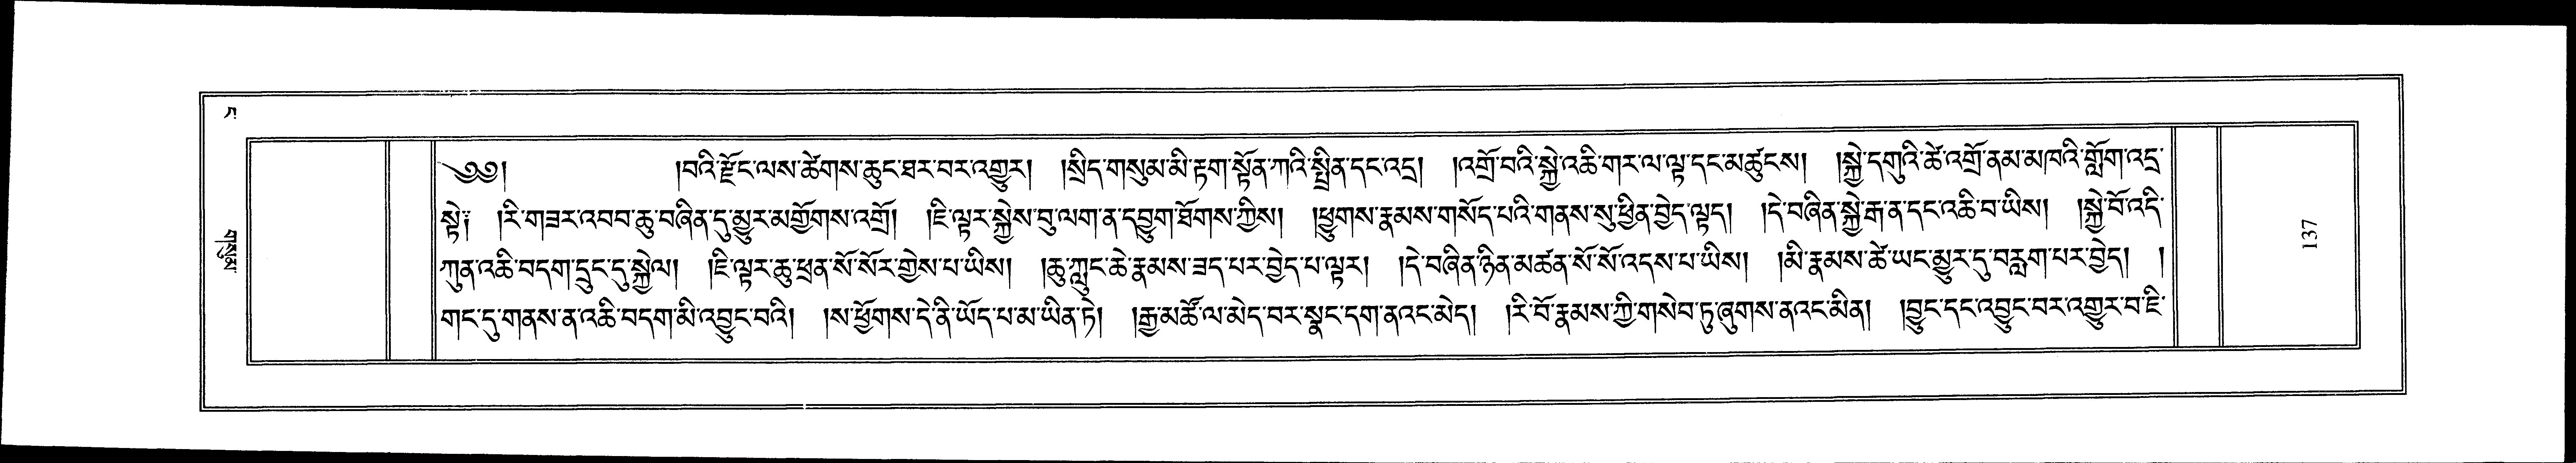༄༅། །བའི་རྫོང་ལས་ཚེགས་ཆུང་ཐར་བར་འགྱུར། །སྲིད་གསུམ་མི་རྟག་སྟོན་ཀའི་སྤྲིན་དང་འདྲ། །འགྲོ་བའི་སྐྱེ་འཆི་གར་ལ་ལྟ་དང་མཚུངས། །སྐྱེ་དགུའི་ཚེ་འགྲོ་ནམ་མཁའི་གློག་འདྲ་
སྟེ། །རི་གཟར་འབབ་ཆུ་བཞིན་དུ་མྱུར་མགྱོགས་འགྲོ། །ཇི་ལྟར་སྐྱེས་བུ་ལག་ན་དབྱུག་ཐོགས་ཀྱིས། །ཕྱུགས་རྣམས་གསོད་པའི་གནས་སུ་ཕྱིན་བྱེད་ལྟད། །དེ་བཞིན་སྐྱེ་རྒ་ན་དང་འཆི་བ་ཡིས། །སྐྱེ་བོ་འདི་
ཀུན་འཆི་བདག་དྲུང་དུ་སྐྱེལ། །ཇི་ལྟར་ཆུ་ཕྲན་སོ་སོར་གྱེས་པ་ཡིས། །ཆུ་ཀླུང་ཆེ་རྣམས་ཟད་པར་བྱེད་པ་ལྟར། །དེ་བཞིན་ཉིན་མཚན་སོ་སོ་འདས་པ་ཡིས། །མི་རྣམས་ཚེ་ཡང་མྱུར་དུ་བརླག་པར་བྱེད། །
གང་དུ་གནས་ན་འཆི་བདག་མི་འབྱུང་བའི། །ས་ཕྱོགས་དེ་ནི་ཡོད་པ་མ་ཡིན་ཏེ། །རྒྱ་མཚོ་ལ་མེད་བར་སྣང་དག་ནའང་མེད། །རི་བོ་རྣམས་ཀྱི་གསེབ་ཏུ་ཞུགས་ནའང་མིན། །བྱུང་དང་འབྱུང་བར་འགྱུར་བ་ཇི་